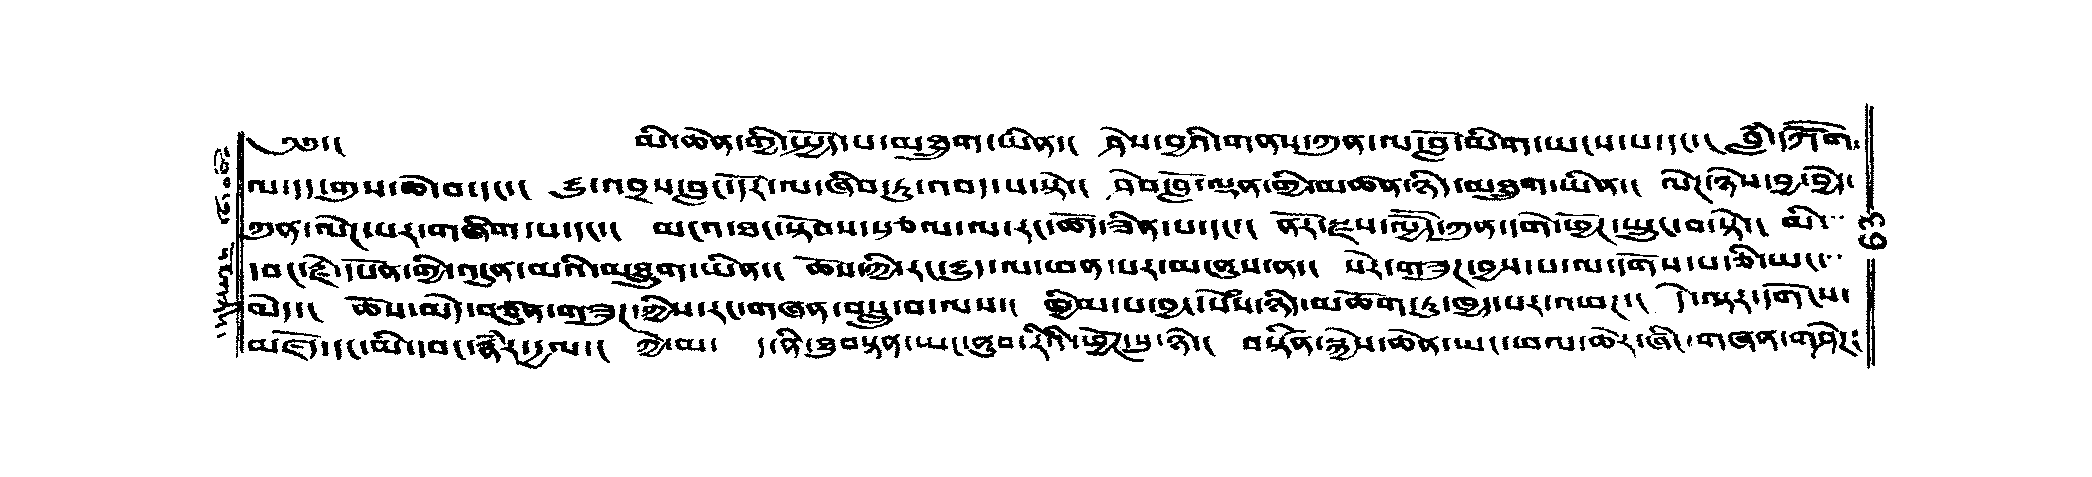མི་ཆེན་གྱི་སྤྱོད་པ་མཐར་ཐུག་ཡིན། །ཤེས་བྱའི་གནས་ཀུན་ལ་བློ་མིག་ཡངས་པ་དང་། །བླ་མ་དཀོན་མཆོག་
ལ་དད་པ་ཆེ་བ་དང་། །རྒྱུ་འབྲས་བླང་དོར་ལ་ཞིབ་ཏུ་འབད་པ་སྟེ། །ཤེས་རབ་བློ་ལྡན་གྱི་མཚན་ཉིད་མཐར་ཐུག་ཡིན། །ལེགས་ཉེས་བྱ་བྱེད་
ཀུན་ལེགས་པར་གཞིག་པ་དང་། །མངའ་ཐང་སྟོབས་རྩལ་ལ་རང་ཚོད་ཟིན་པ་དང་། །ནོར་རྫས་ལོངས་སྤྱོད་ཀུན་དགེ་ཕྱོགས་སྤུང་བ་སྟེ། །མི་
དབང་རྗེ་དཔོན་གྱི་འདུན་མའི་མཐར་ཐུག་ཡིན། །ཆོས་ཀྱི་རང་རྒྱུད་ལ་ཕན་པར་མ་ནུས་ན། །སེར་གཟུགས་བྱས་པ་ལ་དགོས་པ་ཅི་ཡང་
མེད། །ཆོས་མེད་བཙུན་གཟུགས་ཀྱིས་རང་གཞན་བསླུ་བ་ལས། །ཁྱིམ་པ་བྱང་སེམས་ཉིད་མཆོག་ཏུ་ཁྱད་པར་འཕགས། །དེ་ལྟར་དགོངས་
མཛོད་དང་མི་དབང་རྣམ་པར་རྒྱལ། །ཀྱེ་མ་ད་ནི་ཐུབ་བསྟན་ཡང་ནུབ་རིའི་ཕྱོགས་སུ་ཉེ། །བསྟན་འཛིན་སྐྱེས་ཆེན་ཡང་ཕལ་ཆེར་ཞིང་གཞན་གཤེགས། །